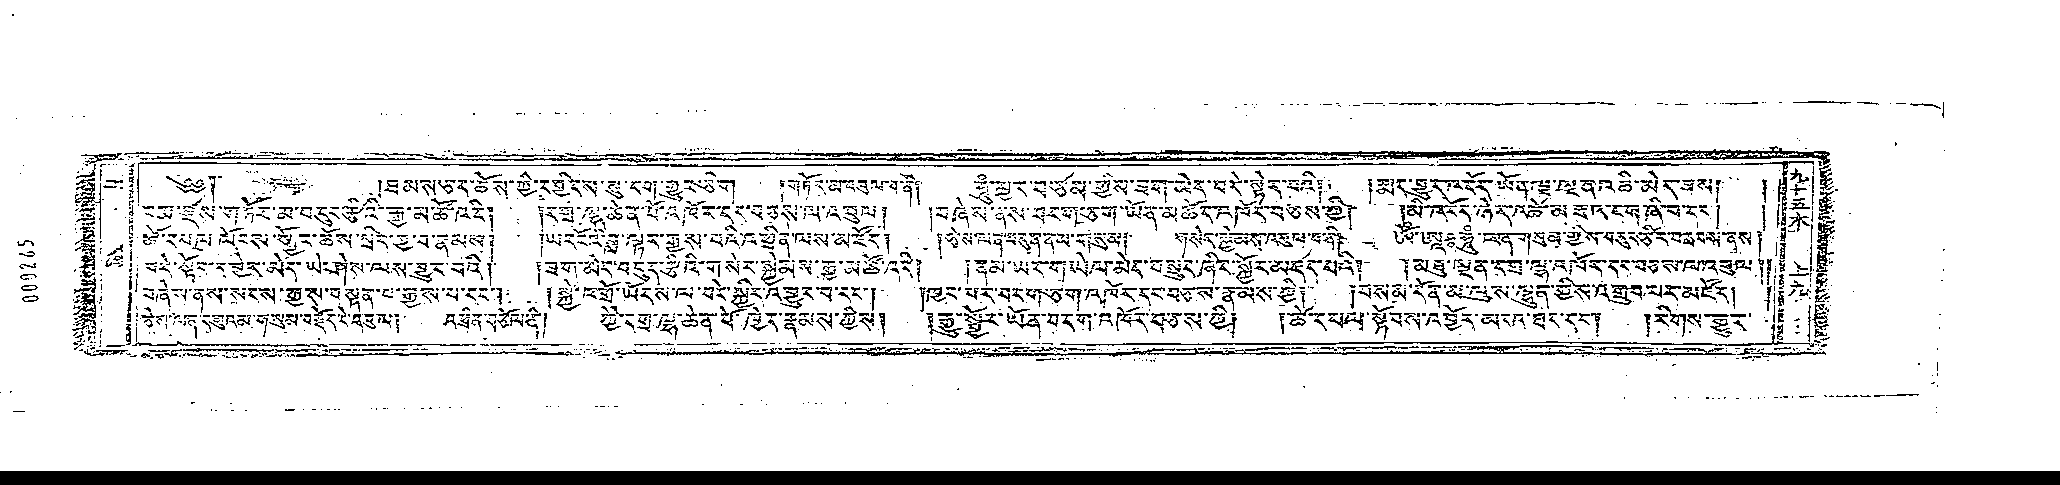༄༅། །ཐམས་ཅད་ཆོས་ཀྱི་དབྱིངས་སུ་དག་གྱུར་ཅིག །གཏོར་མ་འབུལ་བ་ནི། ཧཱུཾ་མྱད་བཙམ་གྱིས་ཟག་མེད་བདེ་སྟེར་བའི། །རྨད་བྱུང་འདོད་ཡོན་ལྔ་ལྡན་འཆི་མེད་ཟས། །
དམ་རྫས་གཏོར་མ་བདུད་རྩིའི་རྒྱ་མཚོ་འདི། །དགྲ་ལྷ་ཆེན་པོ་འཁོར་དང་བཅས་ལ་འབུལ། །བཞེས་ནས་བདག་ཅག་ཡོན་མཆོད་འཁོར་བཅས་ཀྱི། །མི་འདོད་ཉེར་འཚེ་མཐའ་དག་ཞི་བ་དང་། །
ཚེ་དཔལ་ལོངས་སྤྱོད་ཆོས་སྲིད་བྱ་བ་རྣམས། །ཡར་ངོའི་ཟླ་ལྟར་རྒྱས་བའི་འཕྲིན་ལས་མཛོད། །ཅེས་ཡན་བདུན་ནམ་གསུམ། གསེར་སྐྱེམས་འབུལ་བ་ནི། ཨོཾ་ཨཱཿ་ཧཱུཾ་ལན་གསུམ་གྱིས་བདུད་རྩིད་བརླབས་ནས།
བདེ་སྟོང་དབྱེར་མེད་ཡེ་ཤེས་ལས་བྱུང་བའི། །ཟག་མེད་བདུད་རྩིའི་གསེར་སྐྱེམས་རྒྱ་མཚོ་འདི། །ནམ་ཡང་གཡེལ་མེད་བསྲུང་ཞིང་སྐྱོད་མཛད་པའི། །མཐུ་ལྡན་དགྲ་ལྷ་འཁོར་དང་བཅས་ལ་འབུལ།།
བཞེས་ནས་སངས་རྒྱས་བསྟན་པ་རྒྱས་པ་དང་། །སྐྱེ་འགྲོ་ཡོངས་ལ་བདེ་སྐྱིད་འབྱུང་བ་དང་། །ཁྱད་པར་བདག་ཅག་འཁོར་དང་བཅས་རྣམས་ཀྱི། །བསམ་དོན་མ་ལུས་ལྷུན་གྱིས་འགྲུབ་པར་མཛོད། །
ཅེས་ལན་དགུའམ་གསུམ་བརྗོད་དེ་འབུལ། འཕྲིན་བཅོལ་ནི། ཀྱཻ་དགྲ་ལྷ་ཆེན་པོ་ཁྱེད་རྣམས་ཀྱིས། །རྒྱུ་སྦྱོར་ཡོན་བདག་འཁོར་བཅས་ཀྱི། །ཚེ་དཔལ་སྟོབས་འབྱོར་མངའ་ཐང་དང་། །རིགས་རྒྱུད་